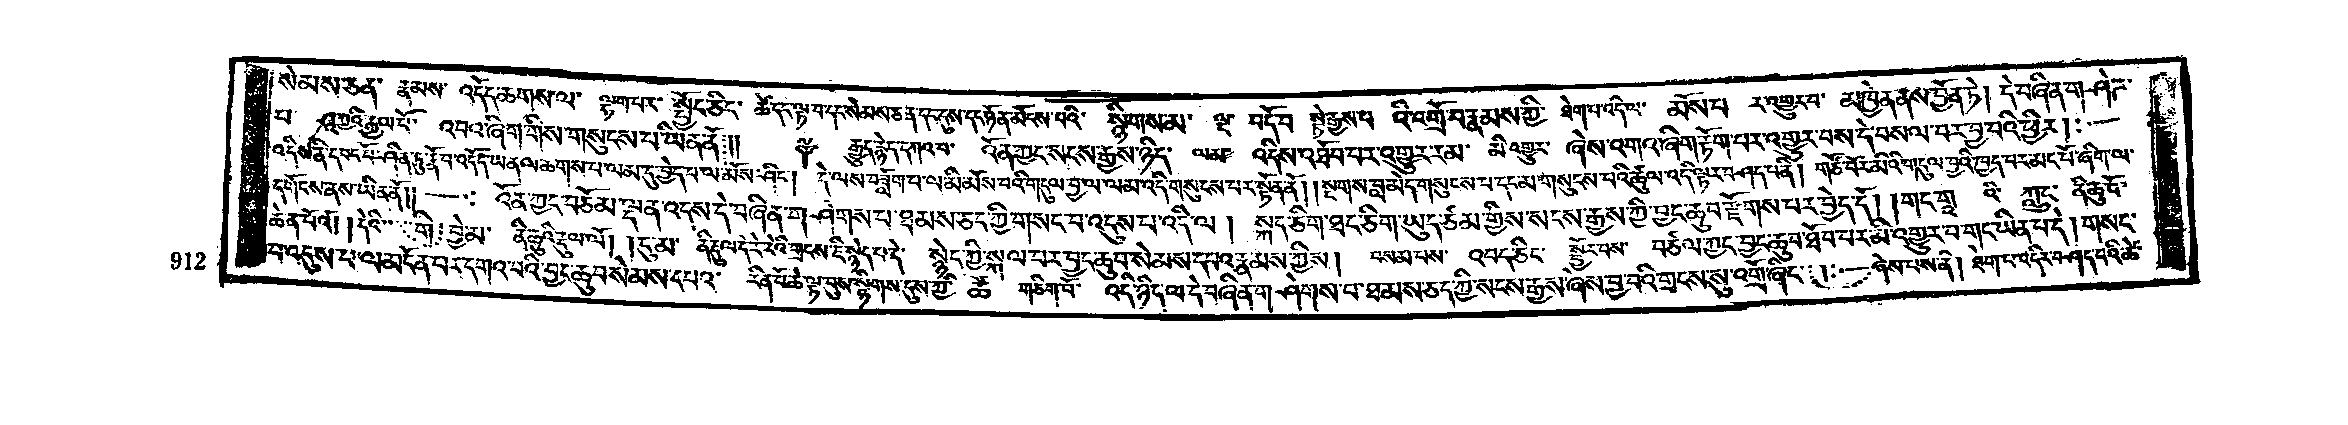སེམས་ཅན་རྣམས་འདོད་ཆགས་ལ་ལྷག་པར་སྤྱོད་ཅིང་ཚེ་དང་ལྟ་བ་དང་སེམས་ཅན་དང་དུས་དང་ཉོན་མོངས་པའི་སྙིགས་མ་ལྔ་བདོ་བ་སྟེ་རྒྱས་པའི་འགྲོ་བ་རྣམས་ཀྱི་ཐེག་པ་འདི་ལ་མོས་པར་འགྱུར་བ་མཁྱེན་ནས་བྱོན་ཏེ། དེ་བཞིན་གཤེགས་
པ་ཤཱཀྱའི་རྒྱལ་པོ་འབའ་ཞིག་གིས་གསུངས་པ་ཡིན་ནོ།། ༈ རྒྱུད་རྙེད་དཀའ་བ་འོན་ཀྱང་སངས་རྒྱས་ཉིད་ལམ་འདིས་འཐོབ་པར་འགྱུར་རམ་མི་འགྱུར་ཞེས་འགའ་ཞིག་རྟོག་པར་འགྱུར་བས་དེ་བསལ་བར་བྱ་བའི་ཕྱིར།
འདིས་ནི་དབང་པོ་ཤིན་ཏུ་རྣོ་བ་འདོད་ཡན་ལ་ཆགས་པ་ལམ་དུ་བྱེད་པ་ལ་མོས་ཤིང་། དེ་ལས་བཟློག་པ་ལ་མི་མོས་པའི་གདུལ་བྱ་ལ་ལམ་འདི་གསུངས་པར་སྟོན་ནོ། །སྔགས་བླ་མེད་གསུངས་པ་དང་མ་གསུངས་པའི་ཚུལ་འདི་ལྟར་བཤད་པ་ནི། གཙོ་བོར་མིའི་གདུལ་བྱའི་ཁྱད་པར་མང་པོ་ཞིག་ལ་
དགོངས་ནས་ཡིན་ནོ།། འོན་ཀྱང་བཅོམ་ལྡན་འདས་དེ་བཞིན་གཤེགས་པ་ཐམས་ཅད་ཀྱི་གསང་བ་འདུས་པ་འདི་ལ། སྐད་ཅིག་ཐང་ཅིག་ཡུད་ཙམ་གྱིས་སངས་རྒྱས་ཀྱི་བྱང་ཆུབ་རྫོགས་པར་བྱེད་དོ། །གང་གཱའི་ཀླུང་ནི་ཆུ་ཅོ་
ཆེན་པོའོ། །དེའི་གི་བྱེ་མ་ནི་ཆུའི་རྡུལ་ལོ། །དུ་མ་ནི་རྡུལ་དེ་རེ་རེའི་གྲངས་ཇི་སྙེད་པ་དེ་སྙེད་ཀྱི་སྐལ་པར་བྱང་ཆུབ་སེམས་དཔའ་རྣམས་ཀྱིས། བསམ་པས་འབད་ཅིང་སྦྱོར་བས་བཙལ་ཀྱང་བྱང་ཆུབ་ཐོབ་པར་མི་འགྱུར་བ་གང་ཡིན་པ་དེ། གསང་
བ་འདུས་པ་ལ་མངོན་པར་དགའ་བའི་བྱང་ཆུབ་སེམས་དཔའ་རིན་པོ་ཆེ་ལྟ་བུས་སྙིགས་དུས་ཀྱི་ཚེ་གཅིག་པོ་འདི་ཉིད་ལ་དེ་བཞིན་གཤེགས་པ་ཐམས་ཅད་ཀྱི་སངས་རྒྱས་ཞེས་བྱ་བའི་གྲངས་སུ་འགྲོ་ཞིང་། ཞེས་པས་ནི། ཐེག་པ་འདིར་བཤད་པའི་ཚེ་